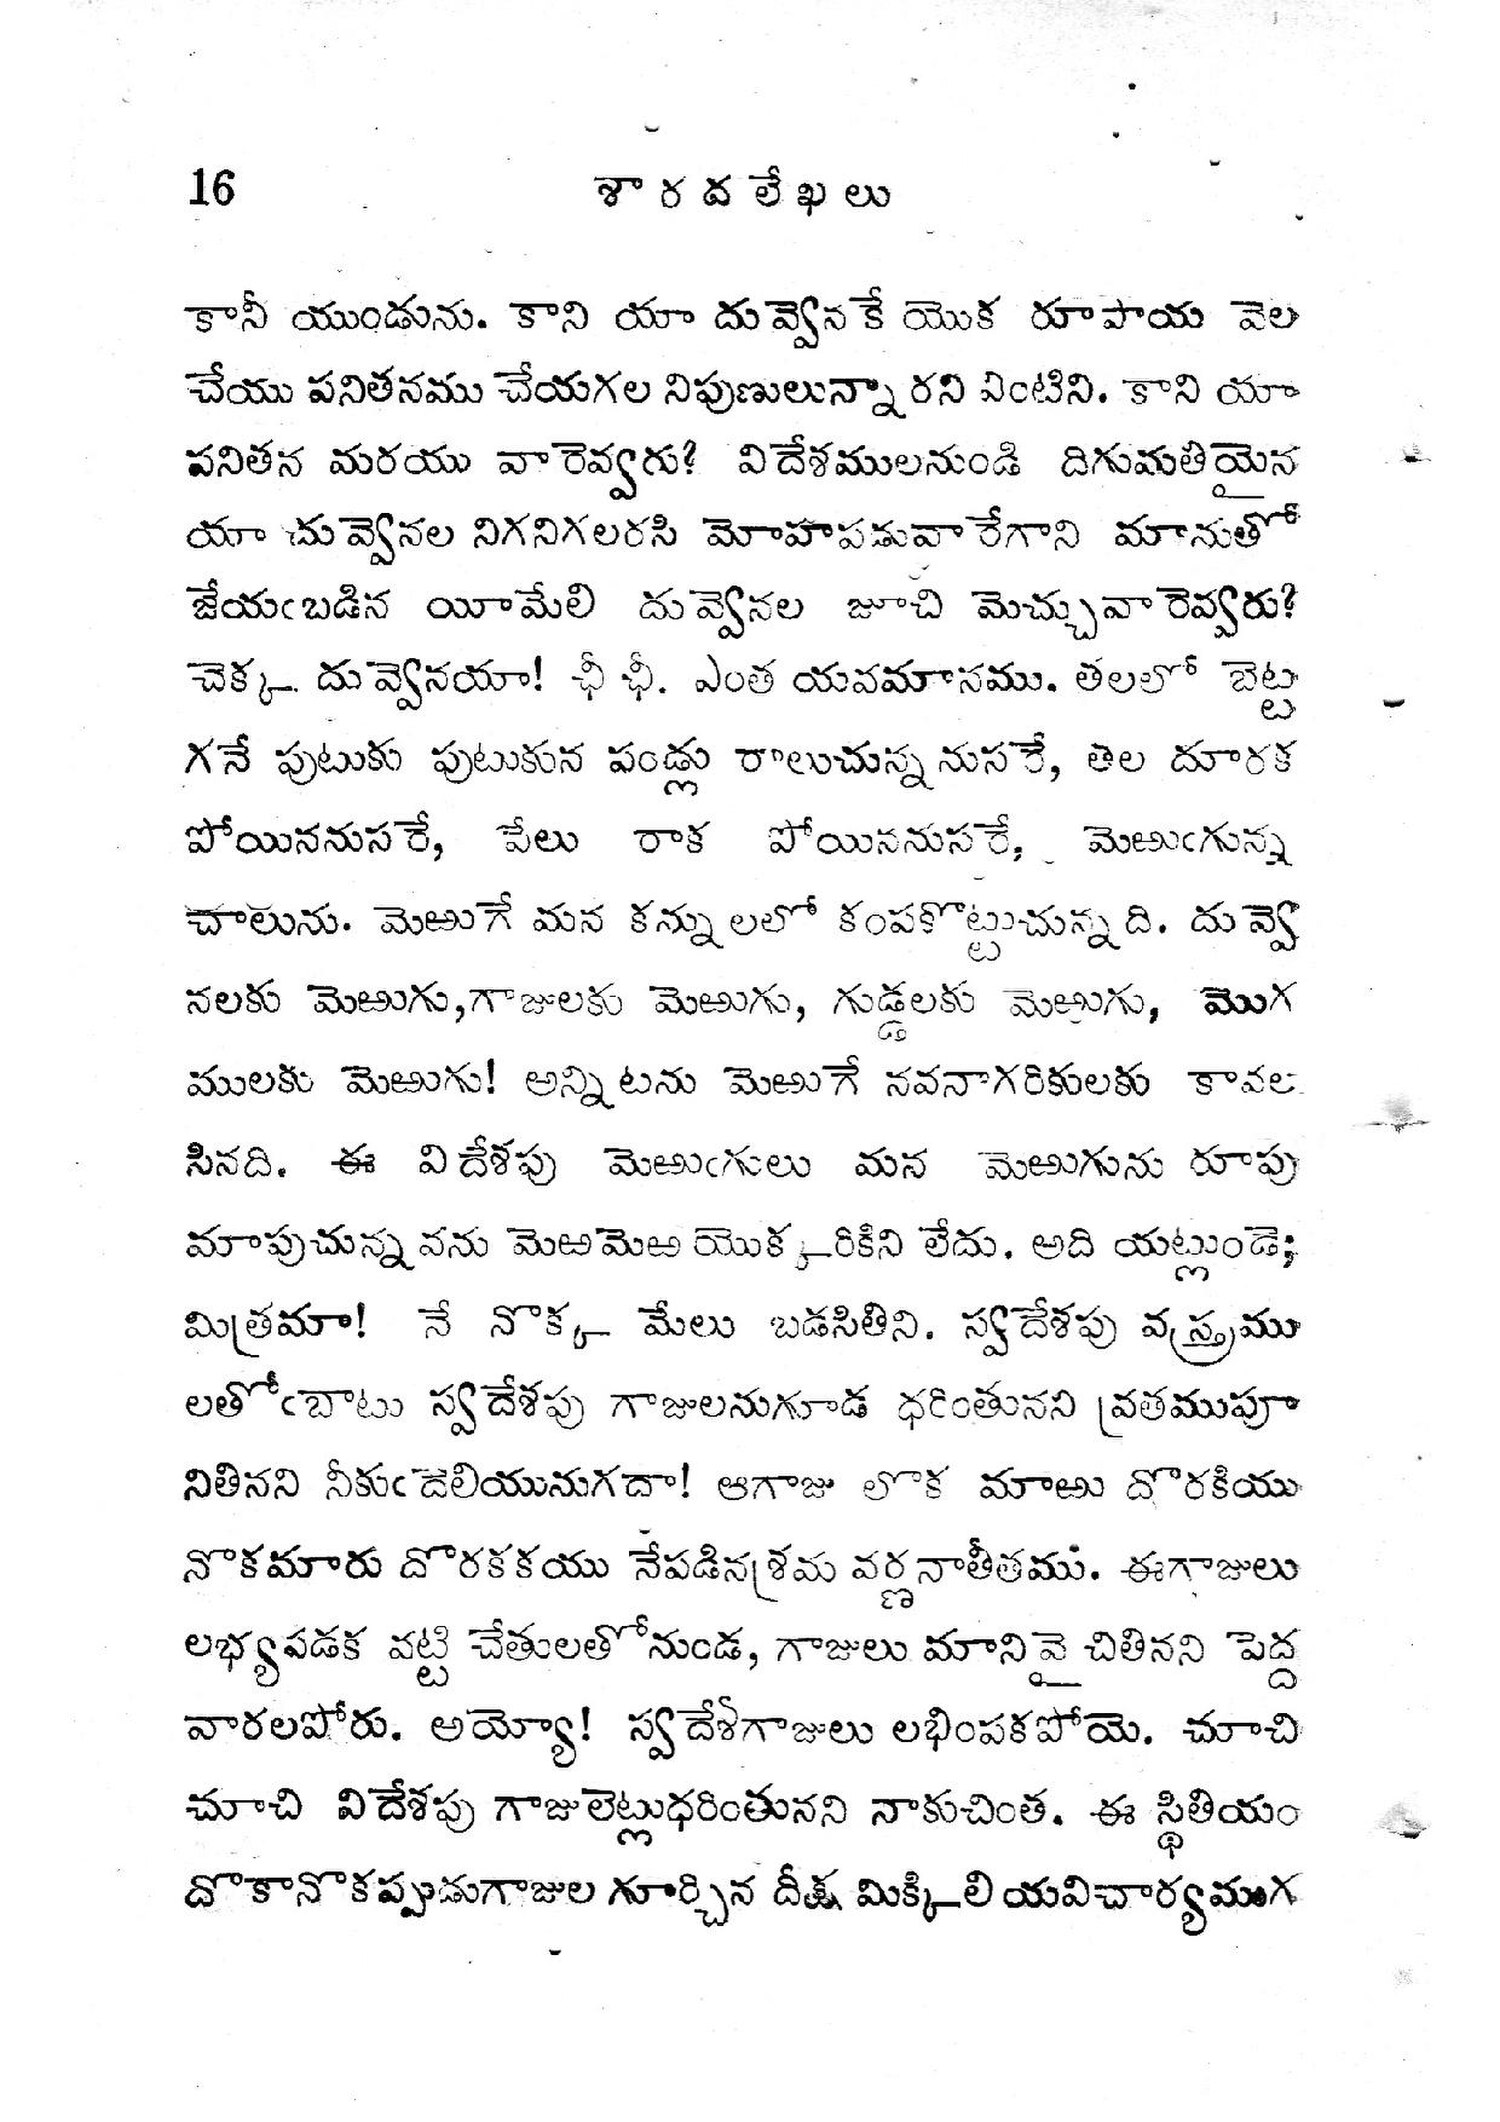కానీ యుండును. కాని యా దువ్వెనకే యొక రూపాయ వెలచేయు పనితనము చేయగల నిపుణులున్నారని వింటిని. కాని యా పనితన మరయు వారెవ్వరు? విదేశములనుండి దిగుమతియైన యా దువ్వెనల నిగనిగలరసి మోహపడువారేగాని మానుతో జేయఁబడిన యీమేలి దువ్వెనల జూచి మెచ్చువారెవ్వరు? చెక్క దువ్వెనయా! ఛీ ఛీ. ఎంత యవమానము. తలలో బెట్టగనే పుటుకు పుటుకున పండ్లు రాలుచున్ననుసరే, తల దూరక పోయిననుసరే, పేలు రాక పోయిననుసరే, మెఱుఁగున్న చాలును. మెఱుగే మన కన్నులలో కంపుకొట్టుచున్నది. దువ్వెనలకు మెఱుగు, గాజులకు మెఱుగు, గుడ్డలకు మెఱుగు, మొగములకు మెఱుగు! అన్నిటను మెఱుగే నవనాగరికులకు కావలసినది. ఈ విదేశపు మెఱుఁగులు మన మెఱుగును రూపుమాపుచున్నవను మెఱమెఱయొక్కరికిని లేదు. అది యట్లుండె; మిత్రమా! నే నొక్క మేలు బడసితిని. స్వదేశపు వస్త్రములతోఁబాటు స్వదేశపు గాజులనుగూడ ధరింతునని వ్రతముపూనితినని నీకుఁదెలియునుగదా! ఆగాజు లొక మాఱు దొరకియు నొకమారు దొరకకయు నేపడినశ్రమ వర్ణనాతీతము. ఈగాజులు లభ్యపడక వట్టి చేతులతోనుండ, గాజులు మానివైచితినని పెద్దవారలపోరు. అయ్యో! స్వదేశీగాజులు లభింపకపోయె. చూచి చూచి విదేశపు గాజులెట్లుధరింతునని నాకుచింత. ఈ స్థితియం
దొకానొకప్పుడుగాజుల గూర్చిన దీక్ష మిక్కిలి యవిచార్యముగ